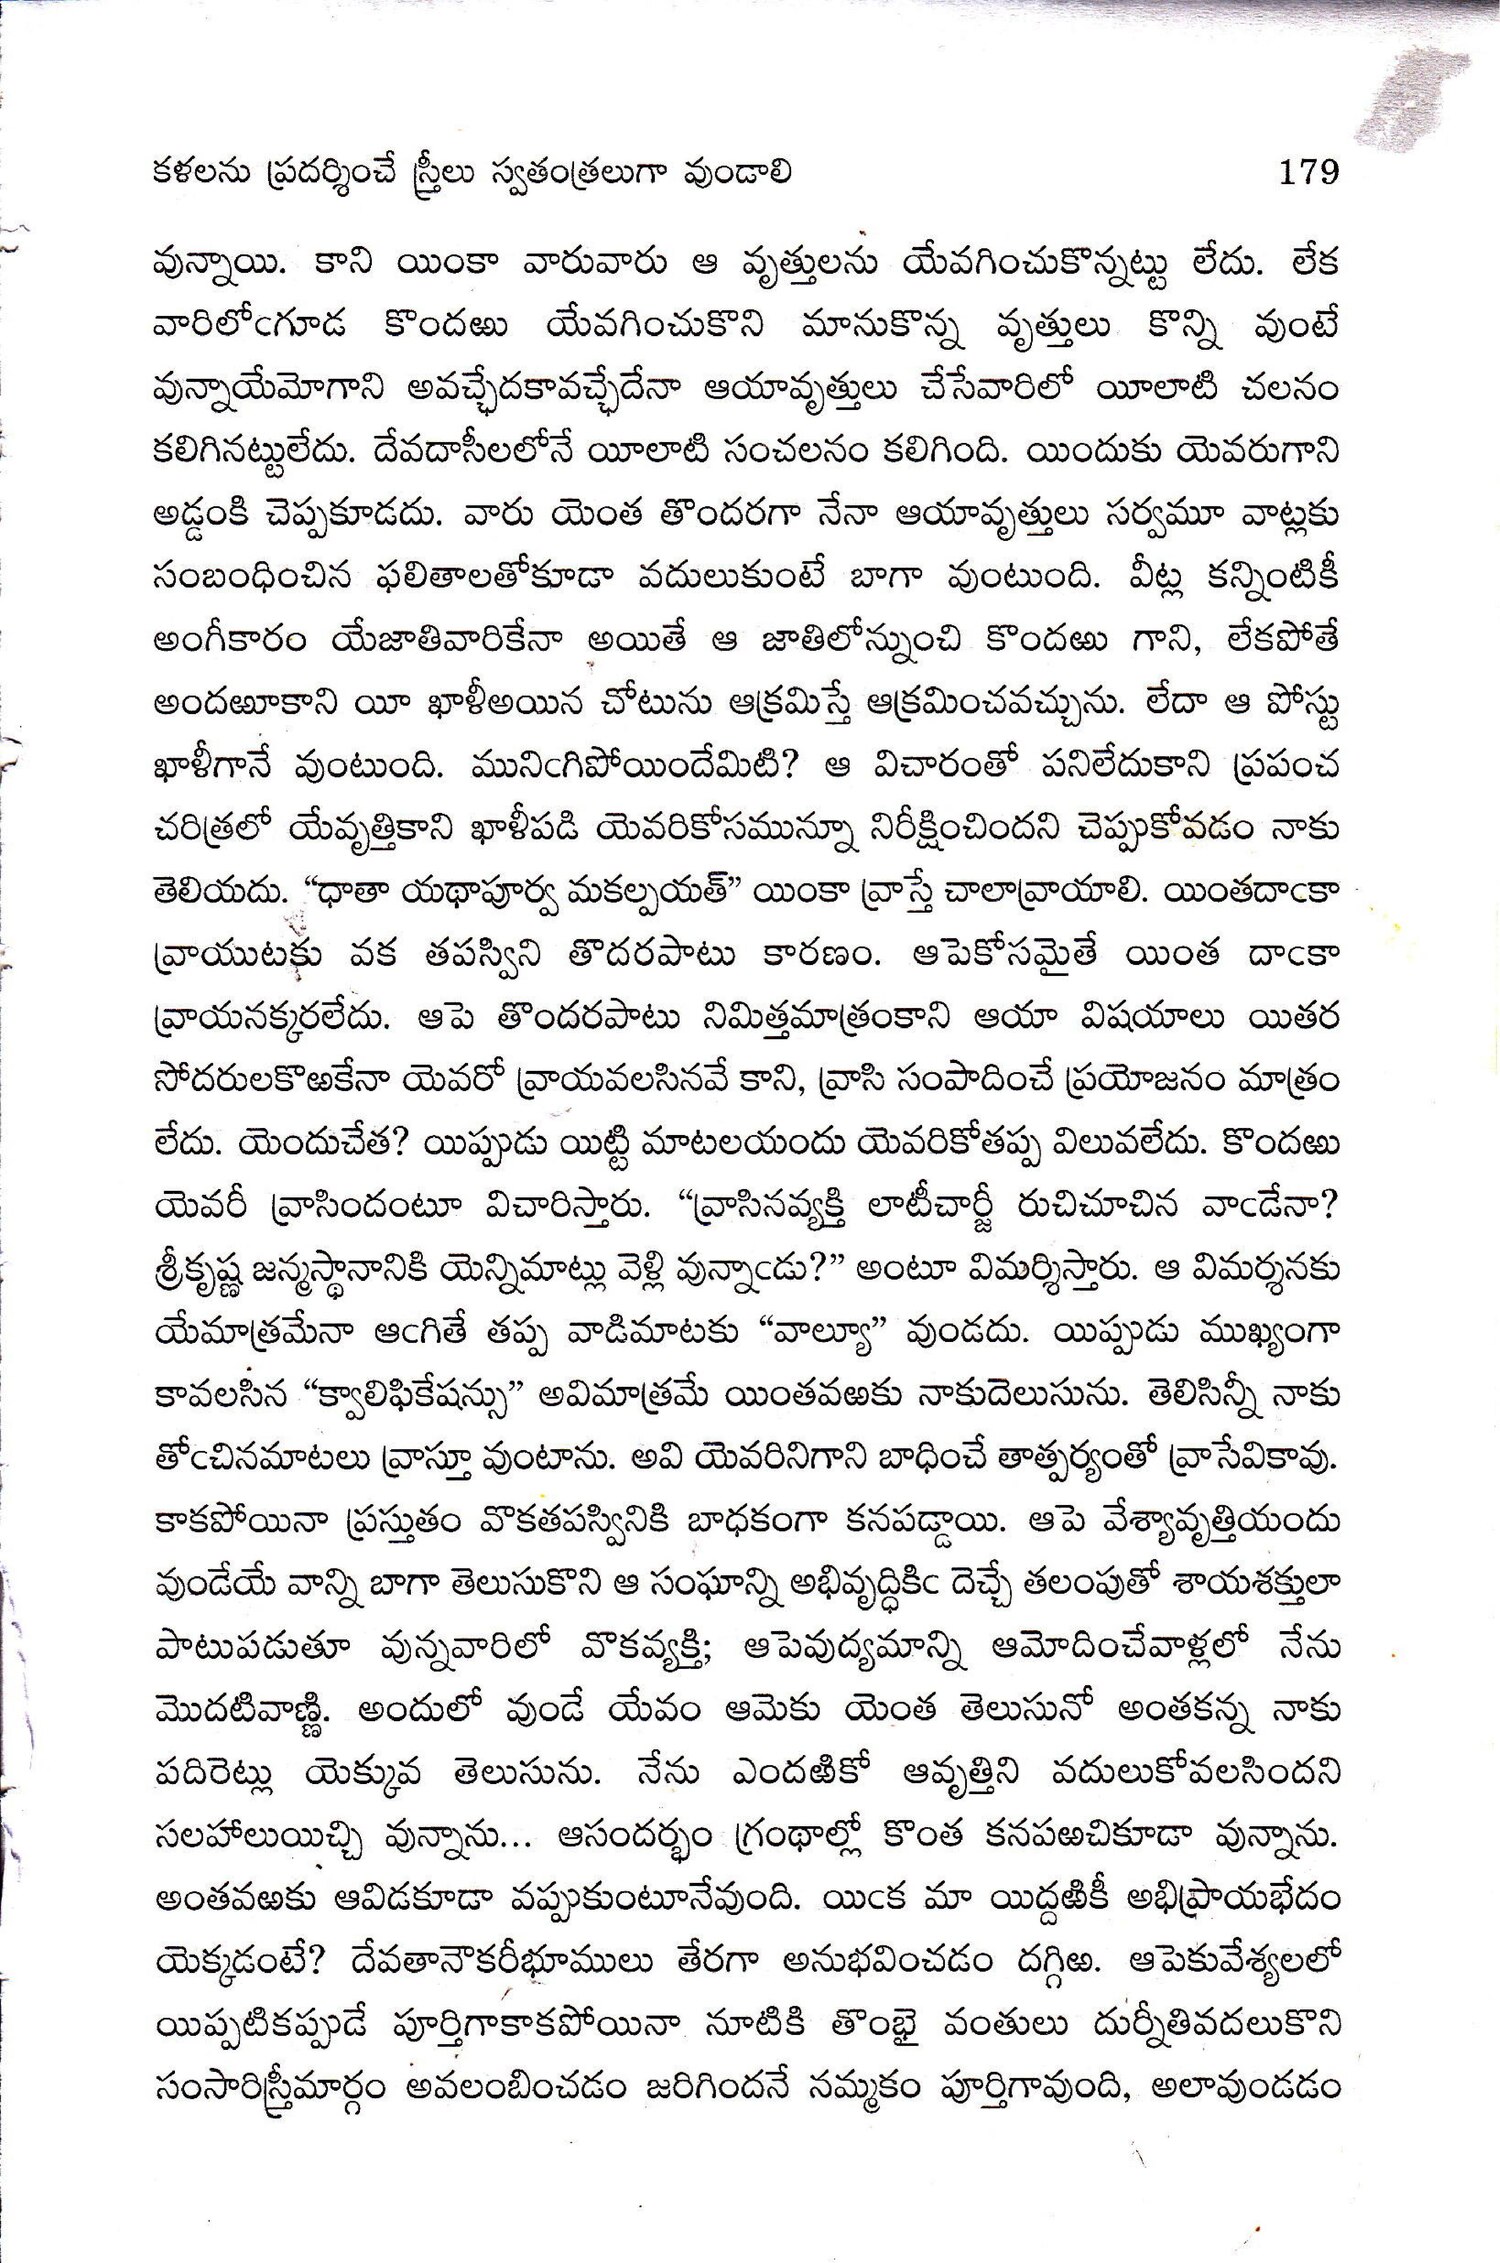వున్నాయి. కాని యింకా వారువారు ఆ వృత్తులను యేవగించుకొన్నట్టు లేదు. లేక వారిలోఁగూడ కొందఱు యేవగించుకొని మానుకొన్న వృత్తులు కొన్ని వుంటే వున్నాయేమోగాని అవచ్ఛేదకావచ్చేదేనా ఆయావృత్తులు చేసేవారిలో యీలాటి చలనం కలిగినట్టులేదు. దేవదాసీలలోనే యీలాటి సంచలనం కలిగింది. యిందుకు యెవరుగాని అడ్డంకి చెప్పకూడదు. వారు యెంత తొందరగా నేనా ఆయావృత్తులు సర్వమూ వాట్లకు సంబంధించిన ఫలితాలతోకూడా వదులుకుంటే బాగా వుంటుంది. వీట్ల కన్నింటికీ అంగీకారం యేజాతివారికేనా అయితే ఆ జాతిలోన్నుంచి కొందఱు గాని, లేకపోతే అందఱూకాని యీ ఖాళీఅయిన చోటును ఆక్రమిస్తే ఆక్రమించవచ్చును. లేదా ఆ పోస్టు ఖాళీగానే వుంటుంది. మునిఁగిపోయిందేమిటి? ఆ విచారంతో పనిలేదుకాని ప్రపంచ చరిత్రలో యేవృత్తికాని ఖాళీపడి యెవరికోసమున్నూ నిరీక్షించిందని చెప్పుకోవడం నాకు తెలియదు. "ధాతా యథాపూర్వ మకల్పయత్" యింకా వ్రాస్తే చాలావ్రాయాలి. యింతదాఁకా వ్రాయుటకు వక తపస్విని తొదరపాటు కారణం. ఆపెకోసమైతే యింత దాఁకా వ్రాయనక్కరలేదు. ఆపె తొందరపాటు నిమిత్తమాత్రంకాని ఆయా విషయాలు యితర సోదరులకొఱకేనా యెవరో వ్రాయవలసినవే కాని, వ్రాసి సంపాదించే ప్రయోజనం మాత్రం లేదు. యెందుచేత? యిప్పుడు యిట్టి మాటలయందు యెవరికోతప్ప విలువలేదు. కొందఱు యెవరీ వ్రాసిందంటూ విచారిస్తారు. “వ్రాసినవ్యక్తి లాటీచార్టీ రుచిచూచిన వాఁడేనా? శ్రీకృష్ణ జన్మస్థానానికి యెన్నిమాట్లు వెళ్లి వున్నాఁడు?” అంటూ విమర్శిస్తారు. ఆ విమర్శనకు యేమాత్రమేనా ఆఁగితే తప్ప వాడిమాటకు “వాల్యూ” వుండదు. యిప్పుడు ముఖ్యంగా కావలసిన "క్వాలిఫికేషన్సు" అవిమాత్రమే యింతవఱకు నాకుదెలుసును. తెలిసిన్నీ నాకు తోcచినమాటలు వ్రాస్తూ వుంటాను. అవి యెవరినిగాని బాధించే తాత్పర్యంతో వ్రాసేవికావు. కాకపోయినా ప్రస్తుతం వొకతపస్వినికి బాధకంగా కనపడ్డాయి. ఆపె వేశ్యావృత్తియందు వుండేయే వాన్ని బాగా తెలుసుకొని ఆ సంఘాన్ని అభివృద్ధికిఁ దెచ్చే తలంపుతో శాయశక్తులా పాటుపడుతూ వున్నవారిలో వొకవ్యక్తి; ఆపెవుద్యమాన్ని ఆమోదించేవాళ్లలో నేను మొదటివాణ్ణి. అందులో వుండే యేవం ఆమెకు యెంత తెలుసునో అంతకన్న నాకు పదిరెట్లు యెక్కువ తెలుసును. నేను ఎందఱికో ఆవృత్తిని వదులుకోవలసిందని సలహాలుయిచ్చి వున్నాను. ఆసందర్భం గ్రంథాల్లో కొంత కనపఱచికూడా వున్నాను. అంతవఱకు ఆవిడకూడా వప్పుకుంటూనేవుంది. యిఁక మా యిద్దఱికీ అభిప్రాయభేదం యెక్కడంటే? దేవతానౌకరీభూములు తేరగా అనుభవించడం దగ్గిఱ. ఆపెకువేశ్యలలో యిప్పటికప్పుడే పూర్తిగాకాకపోయినా నూటికి తొంభై వంతులు దుర్నీతివదలుకొని సంసారిస్త్రీమార్గం అవలంబించడం జరిగిందనే నమ్మకం పూర్తిగావుంది, అలావుండడం